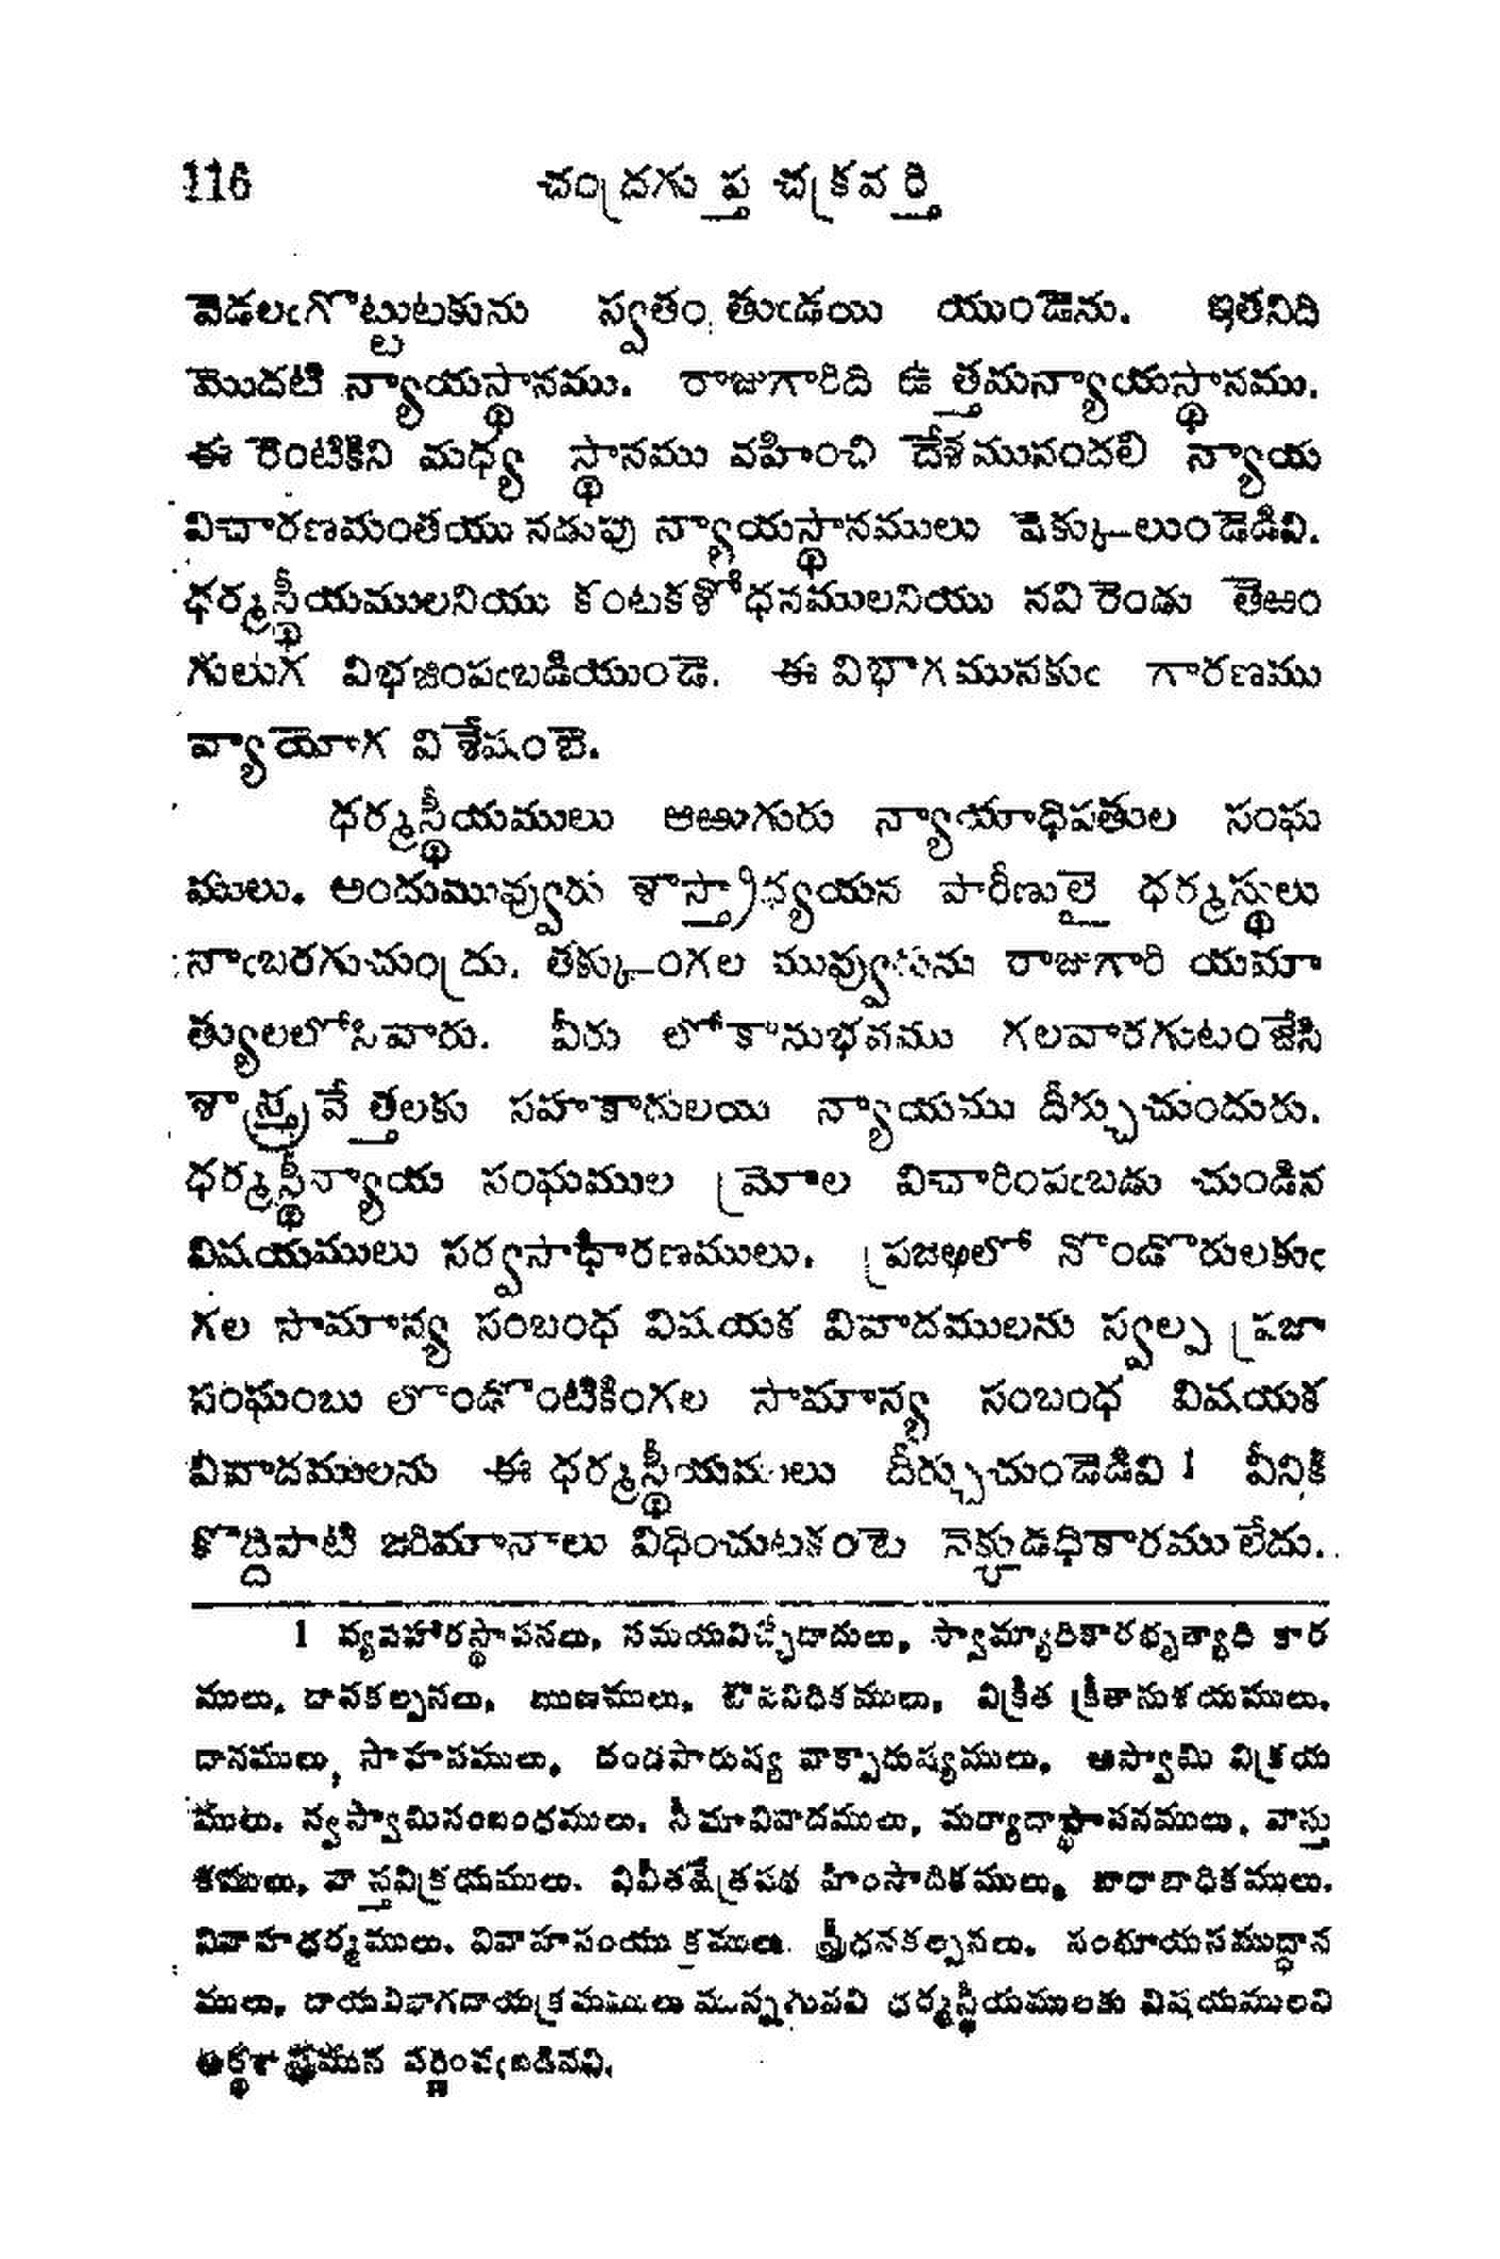వెడలఁగొట్టుటకును స్వతంత్రుఁడయి యుండెను. ఇతనిది మొదటి న్యాయస్థానము. రాజుగారిది ఉత్తమన్యాయస్థానము. ఈ రెంటికిని మధ్య స్థానము వహించి దేశమునందలి న్యాయ విచారణమంతయు నడుపు న్యాయస్థానములు పెక్కులుండెడివి. ధర్మస్థీయములనియు కంటకశోధసములనియు నవి రెండు తెజంగులుగా విభజింపఁబడియుండె. ఈవిభాగమునకుఁ గారణము వ్యాయోగ విశేషంబె.

ధర్మస్థీయములు ఆఱుగురు న్యాయాధిపతుల సంఘములు. అందుమువ్వురు శాస్త్రాధ్యయన పారీణులై ధర్మస్థులు నాఁబరగుచుంద్రు. తక్కుంగల మువ్వురును రాజుగారి యమాత్యులలోనివారు. వీరు లోకానుభవము గలవారగుటం జేసి శాస్త్రవేత్తలకు సహకారులయి న్యాయము దీర్చుచుందురు. ధర్మస్థీన్యాయ సంఘముల మ్రోల విచారింపఁబడు చుండిన విషయములు సర్వసాధారణములు. ప్రజలలో నొండొరులకుఁ గల సామాన్య సంబంధ విషయక వివాదములను స్వల్ప ప్రజా సంఘంబు లొండొంటికింగల సామాన్య సంబంధ విషయక వివాదములను ఈ ధర్మస్థీయములు దీర్చుచుండెడివి 1 వీనికి కొద్దిపాటి జరిమానాలు విధించుటకంటే నెక్కుడధికారము లేదు.